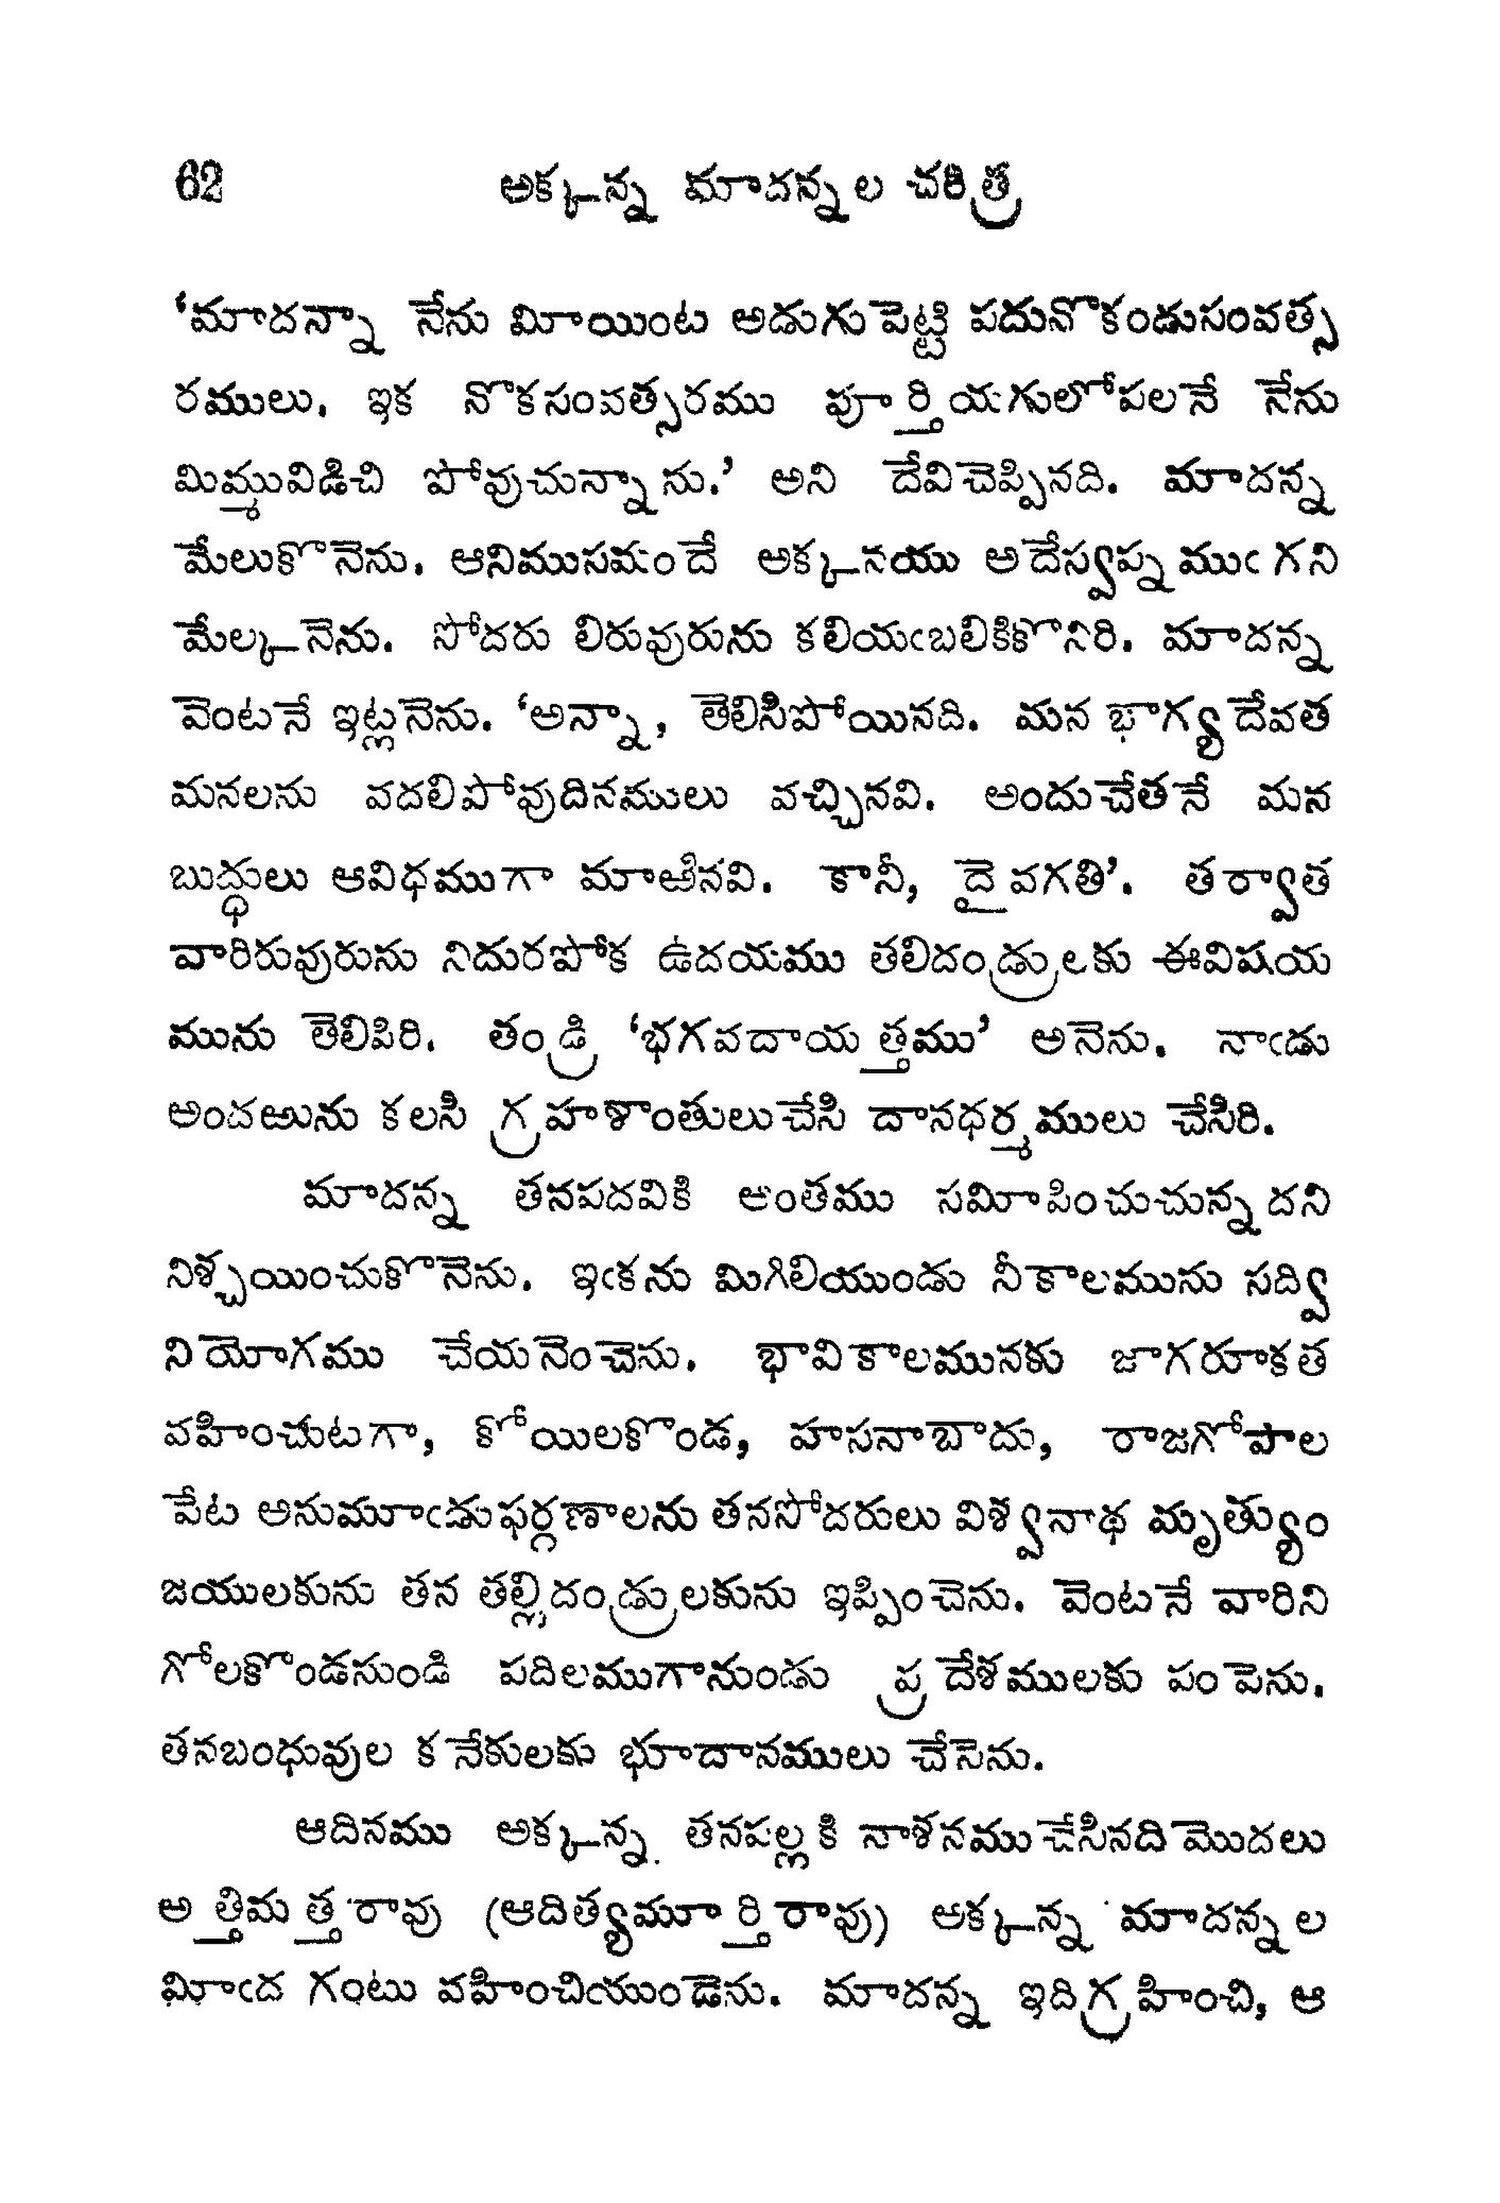‘మాదన్నా నేను మీయింట అడుగుపెట్టి పదునొకండుసంవత్సరములు. ఇక నొకసంవత్సరము పూర్తియగులోపలనే నేను మిమ్మువిడిచి పోవుచున్నాను.’ అని దేవిచెప్పినది. మాదన్న మేలుకొనెను. ఆనిముసమందే అక్కనయు అదేస్వప్నముఁగని మేల్కనెను. సోదరు లిరువురును కలియఁబలికికొనిరి. మాదన్న వెంటనే ఇట్లనెను. ‘అన్నా, తెలిసిపోయినది. మన భాగ్యదేవత మనలను వదలిపోవుదినములు వచ్చినవి. అందుచేతనే మన బుద్ధులు ఆవిధముగా మాఱినవి. కానీ, దైవగతి.’ తర్వాత వారిరువురును నిదురపోక ఉదయము తలిదండ్రులకు ఈవిషయమును తెలిపిరి. తండ్రి ‘భగవదాయత్తము’ అనెను. నాఁడు అందఱును కలసి గ్రహశాంతులుచేసి దానధర్మములు చేసిరి.

మాదన్న తనపదవికి అంతము సమీపించుచున్నదని నిశ్చయించుకొనెను. ఇఁకను మిగిలియుండు నీకాలమును సద్వినియోగము చేయనెంచెను. భావికాలమునకు జాగరూకత వహించుటగా, కోయిలకొండ, హసనాబాదు, రాజగోపాల పేట అనుమూఁడుఫర్గణాలను తనసోదరులు విశ్వనాథ మృత్యుంజయులకును తన తల్లిదండ్రులకును ఇప్పించెను. వెంటనే వారిని గోలకొండనుండి పదిలముగానుండు ప్రదేశములకు పంపెను. తనబంధువుల కనేకులకు భూదానములు చేసెను.

ఆదినము అక్కన్న తనపల్లకి నాశనముచేసినదిమొదలు అత్తిమత్తరావు (ఆదిత్యమూర్తిరావు) అక్కన్న మాదన్నల మీఁద గంటు వహించియుండెను. మాదన్న ఇదిగ్రహించి, ఆ